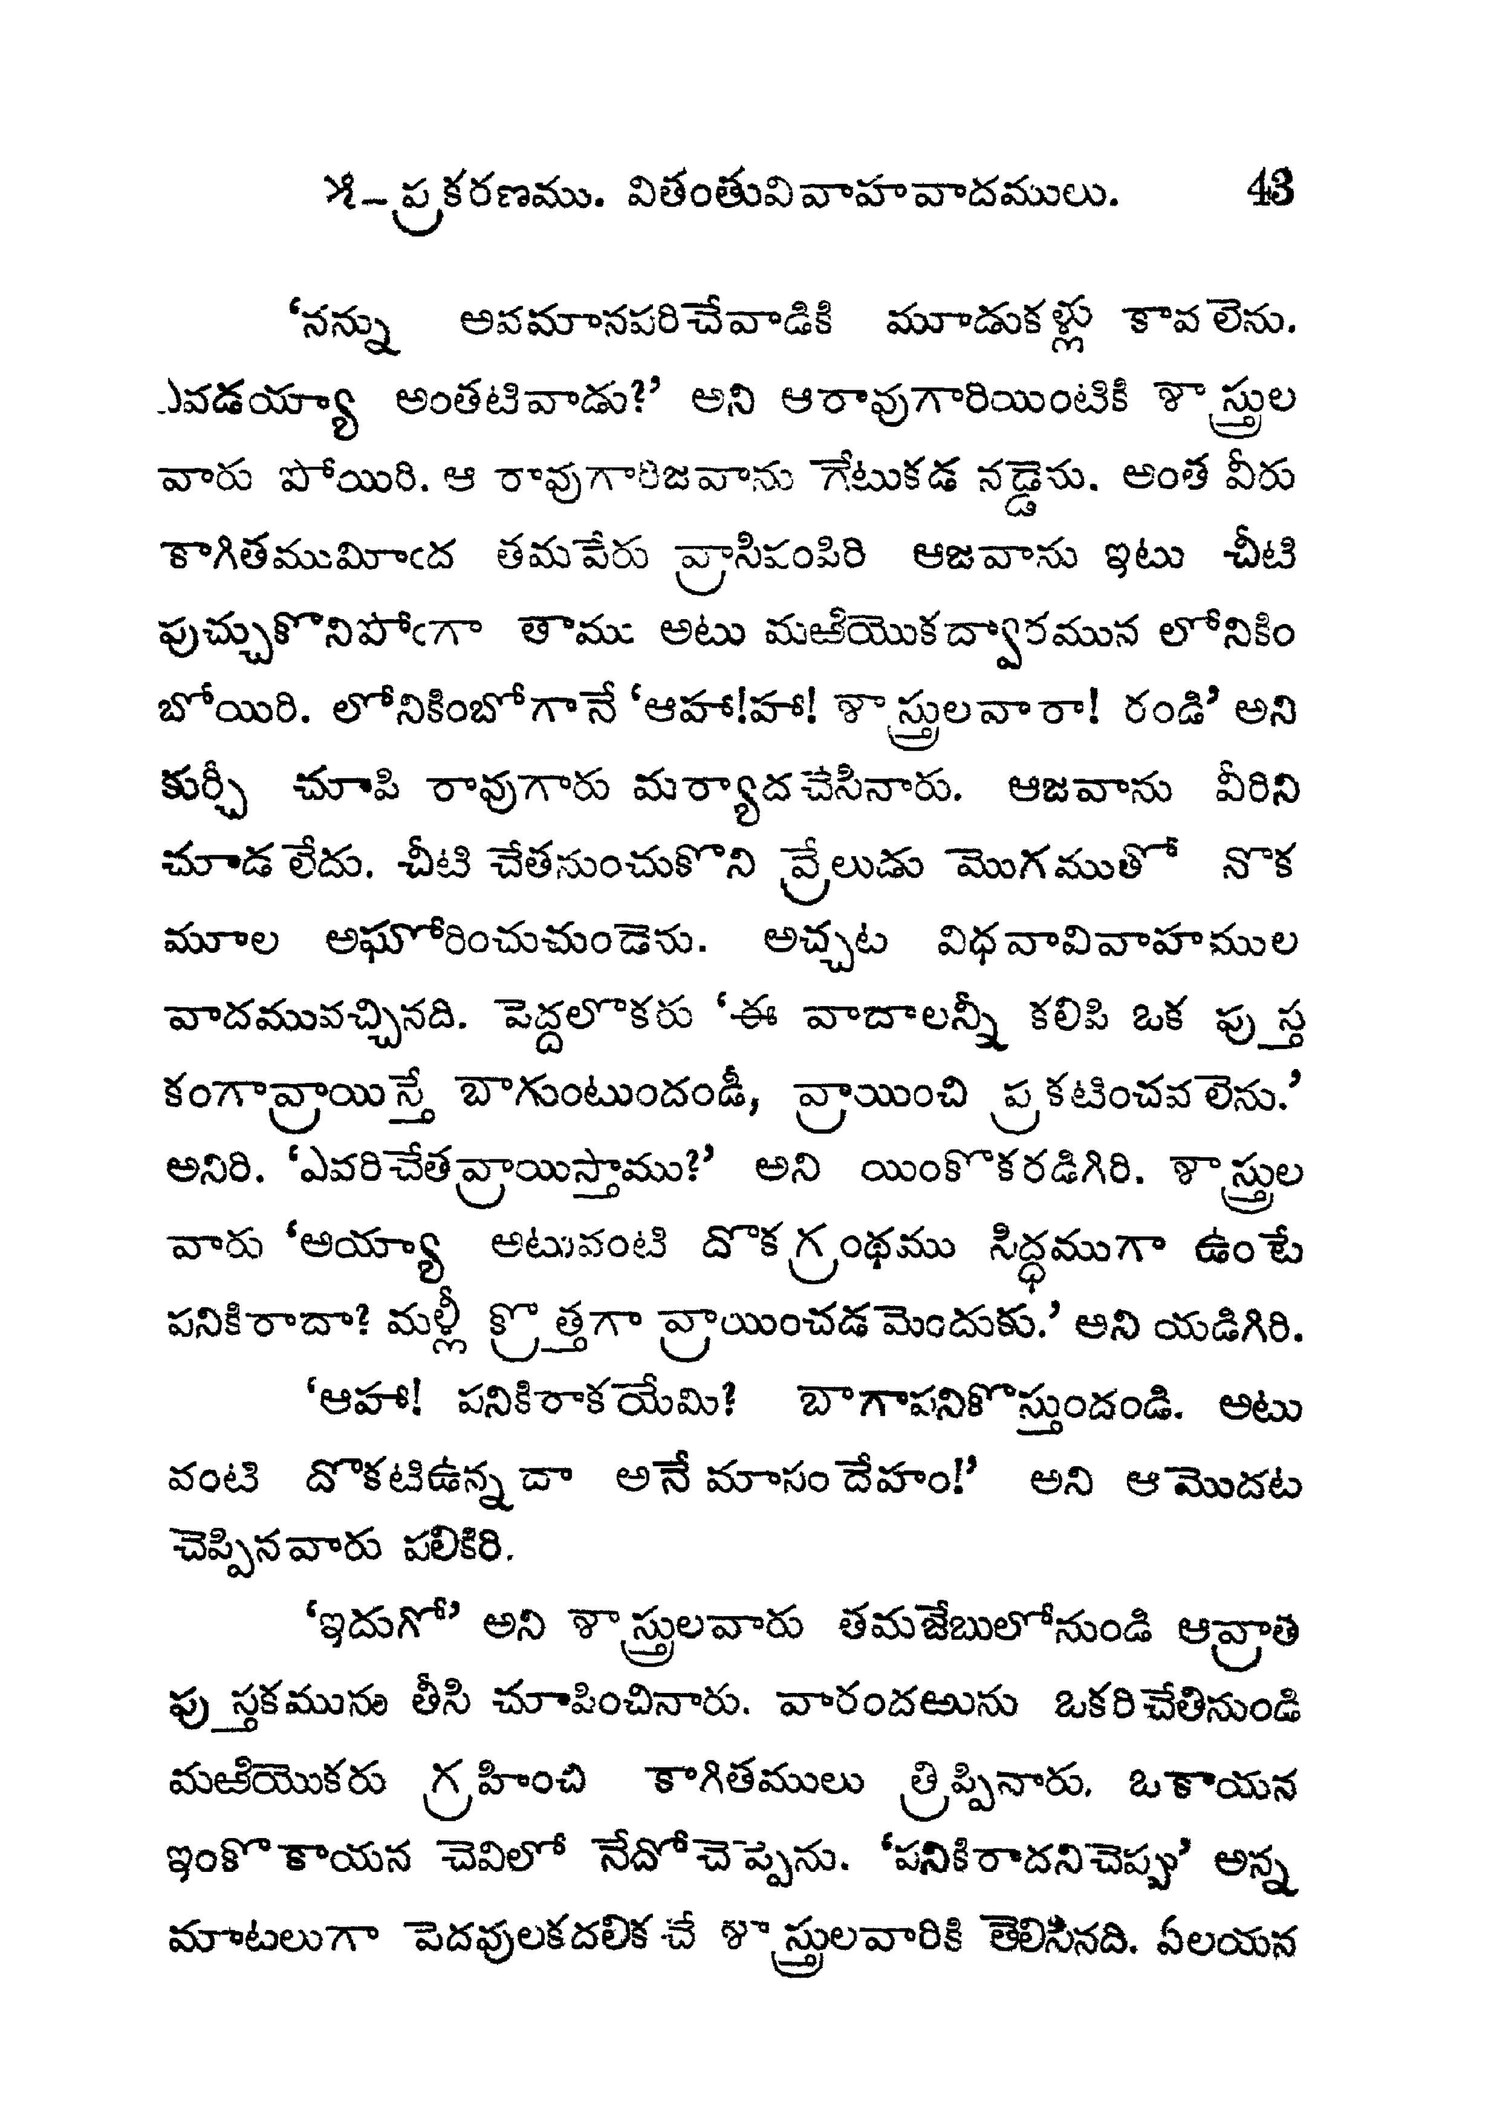'నన్ను అవమానపరిచేవాడికి మూడుకళ్లు కావలెను. ఎవడయ్యా అంతటివాడు?' అని ఆరావుగారియింటికి శాస్త్రులవారు పోయిరి. ఆ రావుగారి జవాను గేటుకడ నడ్డెను. అంత వీరు కాగితముమీద తమపేరు వ్రాసిపంపిరి. ఆజవాను ఇటు చీటి పుచ్చుకొనిపోగా తాము అటు మఱియొకద్వారమున లోనికింబోయిరి. లోనికింబోగానే 'ఆహా! హా! శాస్త్రులవారా! రండి' అని కుర్చీ చూపి రావుగారు మర్యాదచేసినారు. ఆజవాను వీరిని చూడలేదు. చీటి చేతనుంచుకొని వ్రేలుడు మొగముతో నొకమూల అఘోరించుచుండెను. అచ్చట విధవావివాహముల వాదమువచ్చినది. పెద్దలొకరు "ఈ వాదాలన్ని కలిపి ఒక పుస్తకంగావ్రాయిస్తే బాగుంటుందండీ, వ్రాయించి ప్రకటించవలెను.' అనిరి. 'ఎవరిచేతవ్రాయిస్తాము?' అని యింకొకరడిగిరి. శాస్త్రులవారు 'అయ్యా అటువంటి దొకగ్రంథము సిద్ధముగా ఉంటే పనికిరాదా? మళ్లీ క్రొత్తగా వ్రాయించడమెందుకు.' అని యడిగిరి.

'ఆహా! పనికిరాకయేమి? బాగాపనికొస్తుందండి. అటువంటి దొకటిఉన్నదా అనే మాసందేహం!' అని ఆమొదట చెప్పినవారు పలికిరి.

'ఇదుగో' అని శాస్త్రులవారు తమజేబులోనుండి ఆవ్రాతపుస్తకమును తీసి చూపించినారు. వారందఱును ఒకరిచేతినుండి మఱియొకరు గ్రహించి కాగితములు త్రిప్పినారు. ఒకాయన ఇంకొకాయన చెవిలో నేదోచెప్పెను. 'పనికిరాదనిచెప్పు' అన్న మాటలుగా పెదవులకదలిక చే శాస్త్రులవారికి తెలిసినది. ఏలయన